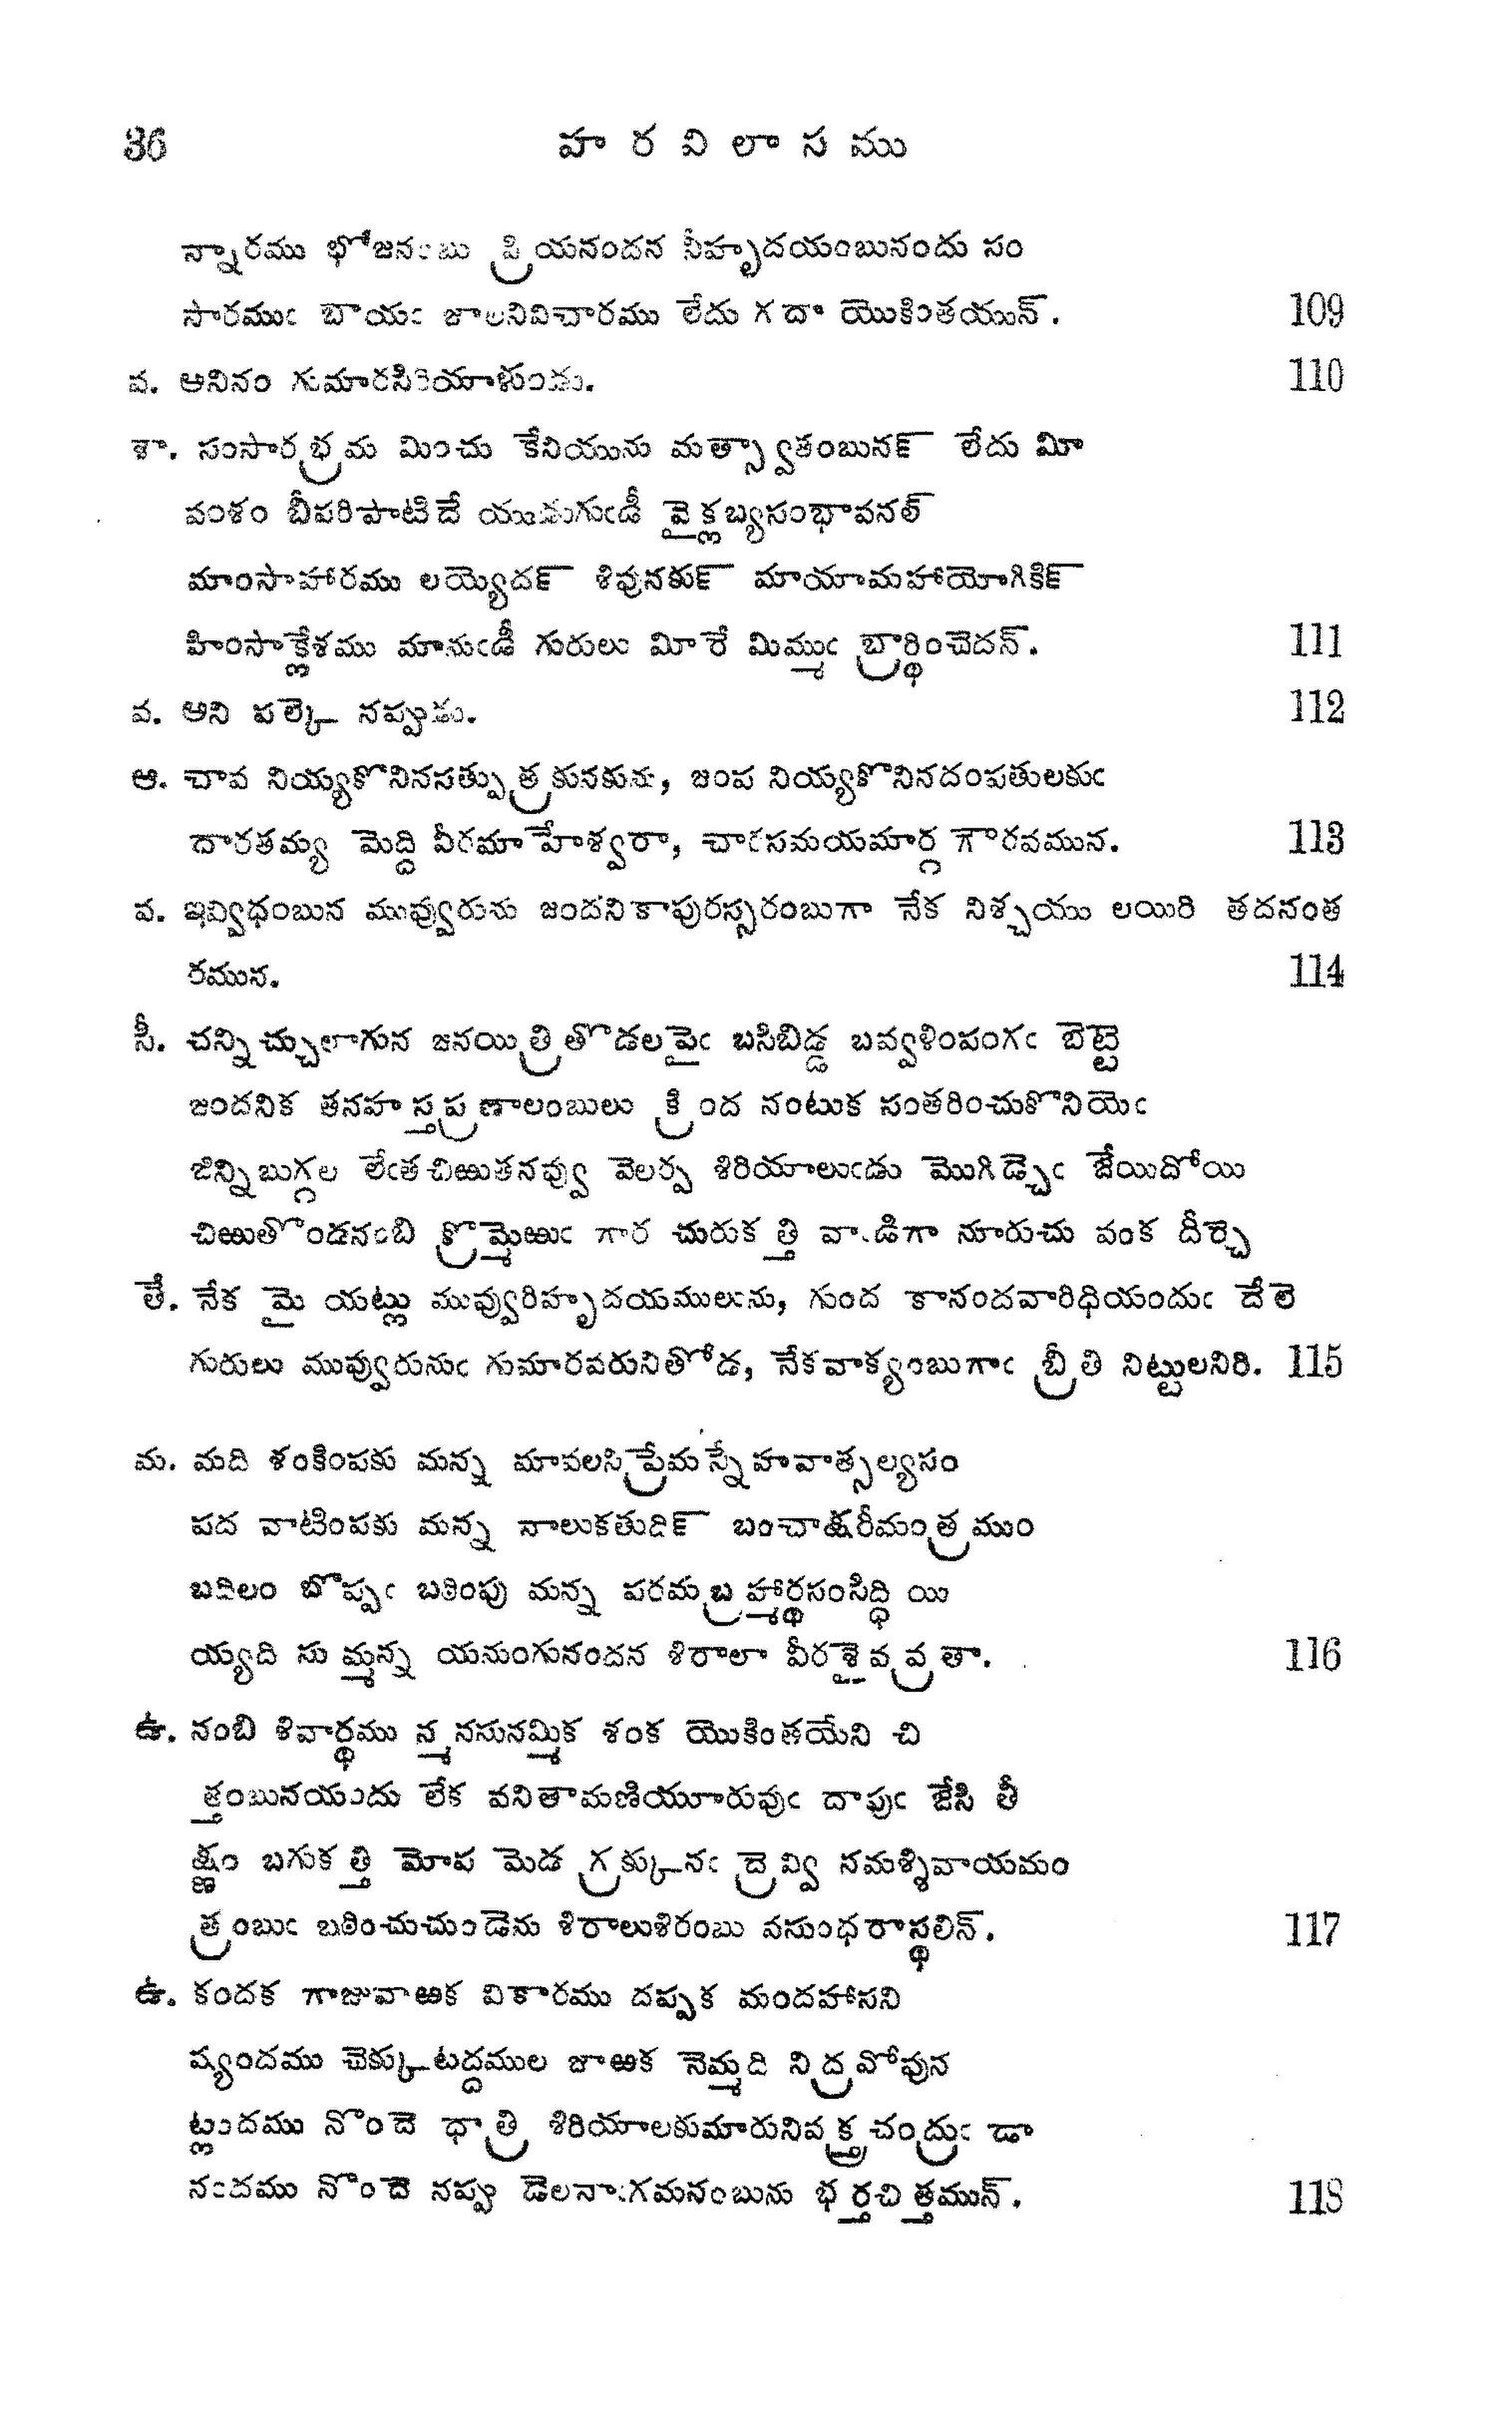న్నారము భోజనంబు ప్రియనందన నీహృదయంబునందు సం
సారముఁ బాయఁజాలని విచారము లేదు గదా యొకింతయున్. 109

వ. అనినం గుమారసిరియాళుండు. 110

శా. సంసారభ్రమ మించుకేనియును మత్స్వాతంబున్ లేదు మీ
వంశం బీపరిపాటిదే యుడుగుఁడీ వైక్లబ్యసంభావనల్
మాంసాహారము లయ్యెదన్ శివునకున్ మాయామహాయోగికిన్
హింసాక్లేశము మానుఁడీ గురులు మీరే మిమ్ముఁ బ్రార్థించెదన్. 111

వ. అని పల్కె నప్పుడు. 112

ఆ. చావ నియ్యకొనినసత్పుత్రకునకును, జంప నియ్యకొనినదంపతులకుఁ
దారతమ్య మెద్ది వీరమాహేశ్వరా, చారసమయమార్గగౌరవమున. 113

వ. ఇవ్విధంబున మువ్వురును జందనికాపురస్సరంబుగా నేకనిశ్చయు లయిరి తదనంతరమున. 114

సీ. చన్నిచ్చులాగున జనయిత్రి తొడలపైఁ బసిబిడ్డ బవ్వళింపంగఁ బెట్టె
జందనిక తనహస్తప్రణాలంబులు క్రింద నంటుక సంతరించుకొనియెఁ
జిన్నిబుగ్గల లేఁతచిఱుతనవ్వు వెలర్ప శిరియాలుఁడు మొగిడ్చెఁ జేయిదోయి
చిఱుతొండనంబి క్రొమ్మెఱుఁ గార చురుకత్తి వాఁడిగా నూరుచు వంక దీర్చె
తే. నేకమై యట్లు మువ్వురిహృదయములును, గుంద కానందవారిధియందుఁ దేలె
గురులు మువ్వురునుఁ గుమారవరునితోడ, నేకవాక్యంబుగాఁ బ్రీతి నిట్టులనిరి. 115

మ. మది శంకింపకు మన్న మావలనిప్రేమస్నేహవాత్సల్యసం
పద వాటింపకు మన్న నాలుకతుదిక్ బంచాక్షరీమంత్రముం
బదిలం బొప్పఁ బఠింపు మన్న పరమబ్రహ్మార్థసంసిద్ధి యి
య్యది సుమ్మన్న యనుంగునందన శిరాలా వీరశైవవ్రతా. 116

ఉ. నంబి శివార్థము న్ననసునమ్మిక శంక యొకింతయేని చి
త్తంబునయందు లేక వనితామణియూరువుఁ దాపుఁ జేసి తీ
క్ష్ణం బగుకత్తి మోప మెడ గ్రక్కునఁ ద్రెవ్వి నమశ్శివాయమం
త్రంబుఁ బఠించుచుండెను శిరాలుశిరంబు వసుంధరాస్థలిన్. 117

ఉ. కందక గాజువాఱక వికారము దప్పక మందహాసని
ష్యందము చెక్కుటద్దముల జాఱక నెమ్మది నిద్రవోవున
ట్లందము నొందె ధాత్రి శిరియాలకుమారునివక్త్రచంద్రుఁ డా
నందము నొందె నప్పు డెలనాఁగమనంబును భర్తచిత్తమున్. 118